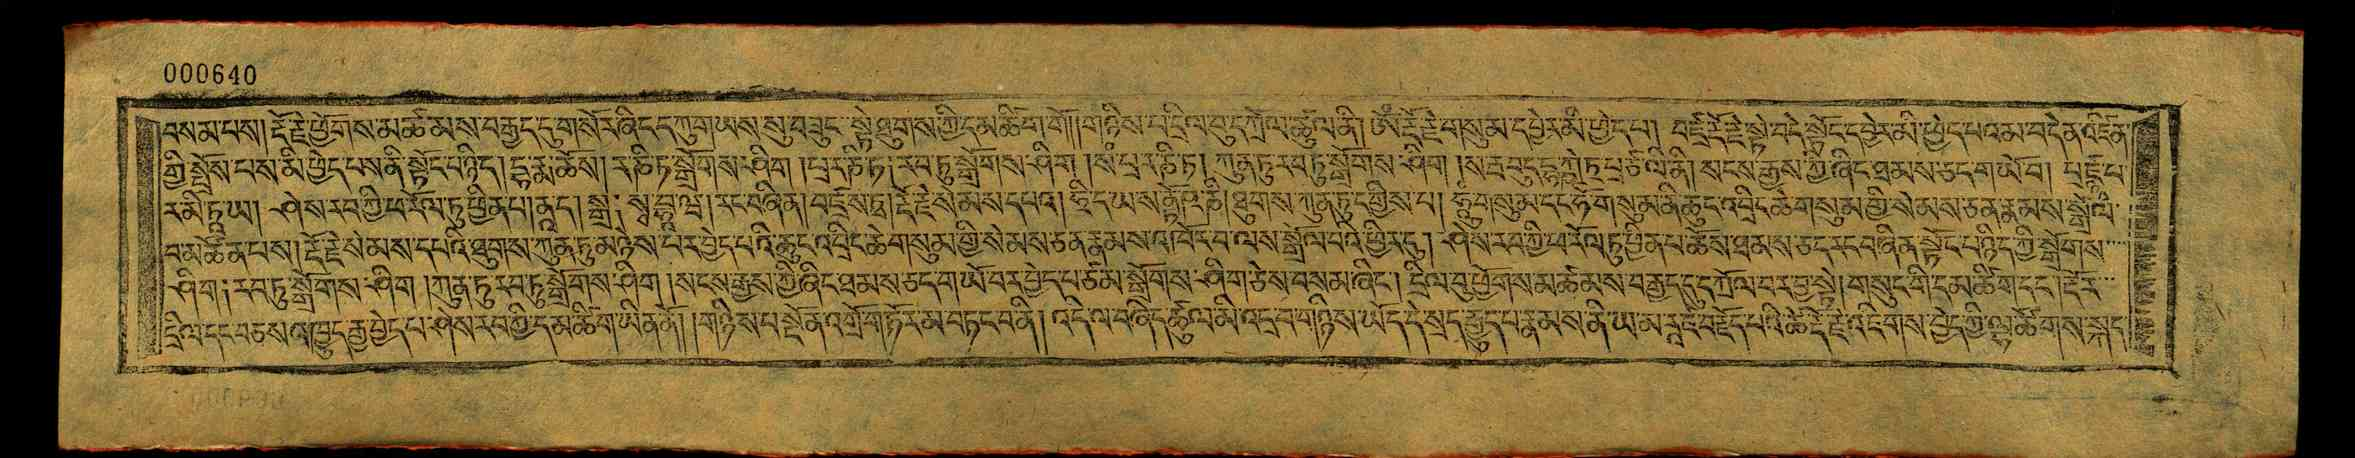བསམ་པས། རྡོ་རྗེ་ཕྱོགས་མཚམས་བརྒྱད་དུ་གསོར་ཞིང་དཀུ་གཡས་སུ་བཟུང་སྟེ་ཐུགས་ཀྱི་དམ་ཚིག་གོ །གཉིས་པ་དྲིལ་བུ་དཀྲོལ་ཚུལ་ནི། ཨོཾ་རྡོ་རྗེ་གསུམ་དབྱེར་མེད་མི་ཕྱེད་པ། བཛྲ་རྡོ་རྗེ་སྟེ་བདེ་སྟོང་དབྱེར་མི་ཕྱེད་པའམ་བདེན་འཛིན་
གྱི་སྤྲོས་པས་མི་ཕྱེད་པས་ན་སྟོང་པ་ཉིད། དྷརྨ་ཆོས། ར་ཎི་ཏ་སྒྲོགས་ཤིག །པྲ་ར་ཎི་ཏ། རབ་ཏུ་སྒྲོགས་ཤིག །སཾ་པྲ་ར་ཎི་ཏ། ཀུན་ཏུ་རབ་ཏུ་སྒྲོགས་ཤིག །སརྦ་བུད་དྷ་ཀྵེ་ཏྲ་པྲ་ཙ་ལི་ནེ། སངས་རྒྱས་ཀྱི་ཞིང་ཐམས་ཅད་གཡོ་བ། པྲཛྙ་པ་
ར་མི་ཏཱ་ཡ། ཤེས་རབ་ཀྱི་ཕ་རོལ་ཏུ་ཕྱིན་པ། ནཱ་ད། སྒྲ༑ སྭ་བྷཱ་ཝ། རང་བཞིན། བཛྲ་སཏྭ། རྡོ་རྗེ་སེམས་དཔའ། ཧྲི་ད་ཡ་སནྟོ་ཥ་ཎི། ཐུགས་ཀུན་ཏུ་དགྱེས་པ། ཧཱུཾ་གསུམ་དང་ཧོ་གསུམ་ནི་ཆུང་འབྲིང་ཆེ་གསུམ་གྱི་སེམས་ཅན་རྣམས་སྒྲོལ་
བ་མཚོན་པས། རྡོ་རྗེ་སེམས་དཔའི་ཐུགས་ཀུན་ཏུ་མཉེས་པར་བྱེད་པའི་ཆུང་འབྲིང་ཆེ་གསུམ་གྱི་སེམས་ཅན་རྣམས་འཁོར་བ་ལས་སྒོལ་བའི་ཕྱིར་དུ། ཤེས་རབ་ཀྱི་ཕ་རོལ་ཏུ་ཕྱིན་པ་ཆོས་ཐམས་ཅད་རང་བཞིན་སྟོང་པ་ཉིད་ཀྱི་སྒྲ་སྒྲོགས་
ཤིག ༑རབ་ཏུ་སྒྲོགས་ཤིག །ཀུན་ཏུ་རབ་ཏུ་སྒྲོགས་ཤིག །སངས་རྒྱས་ཀྱི་ཞིང་ཐམས་ཅད་གཡོ་བར་བྱེད་པ་ཙམ་སྒྲོགས་ཤིག་ཅེས་བསམ་ཞིང་། དྲིལ་བུ་ཕྱོགས་མཚམས་བརྒྱད་དུ་དཀྲོལ་བར་བྱ་སྟེ། གསུང་གི་དམ་ཚིག་དང་། རྡོར་
དྲིལ་དང་བཅས་འཁྱུད་རྒྱ་བྱེད་པ་ཤེས་རབ་ཀྱི་དམ་ཚིག་ཀྱང་ཡིན་ནོ། །གཉིས་པ་སྔོན་འགྲོ་གཏོར་མ་བཏང་བ་ནི། འདི་ལ་བཞེད་ཚུལ་མི་འདྲ་བ་གཉིས་ཡོད་དེ་སྲད་རྒྱུད་པ་རྣམས་ནི་ཡ་མ་རཱ་ཛ་བརྗོད་པའི་ཚེ་རྡོ་རྗེ་འཇིགས་བྱེད་ཀྱི་ལྷ་ཚོགས་སྐད་